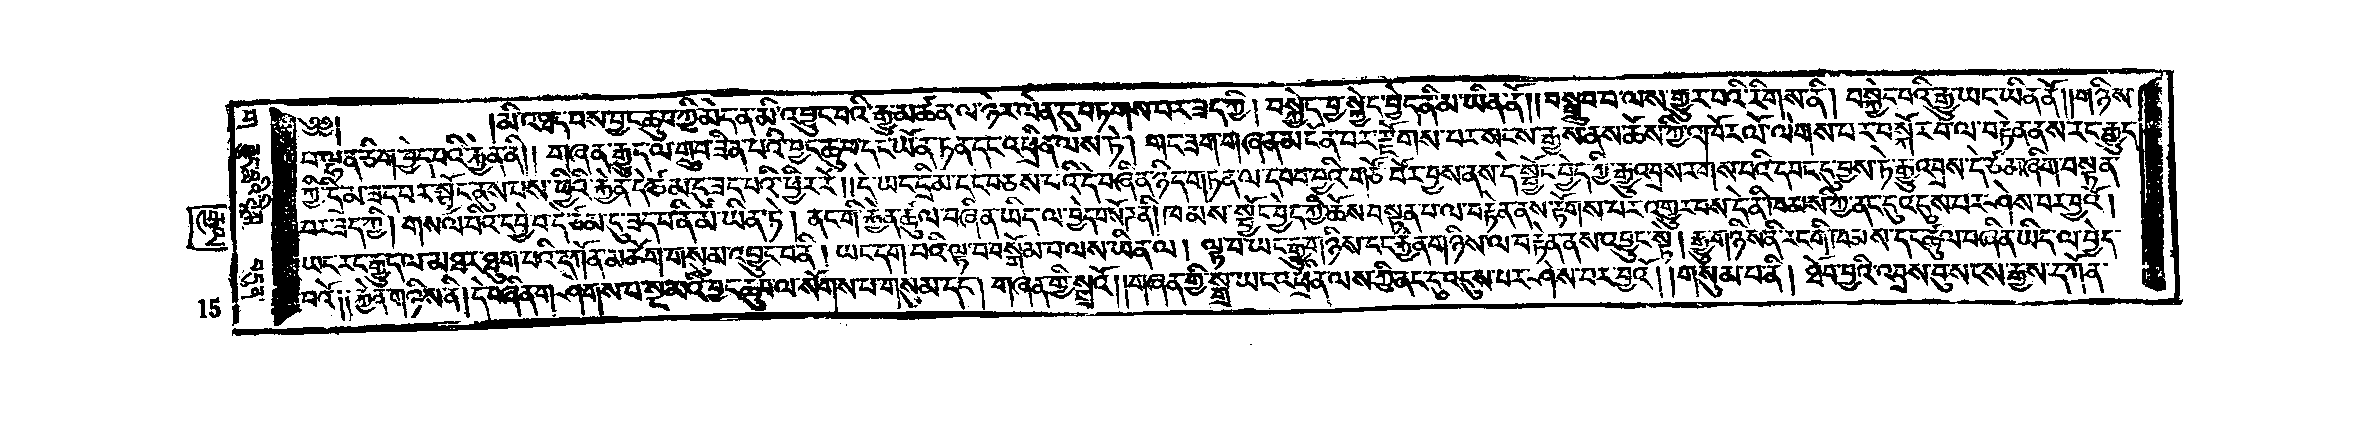༄༅། །མི་འཐད་པས་བྱང་ཆུབ་ཀྱི་མེད་ན་མི་འབྱུང་བའི་རྒྱུ་མཚན་ལ་ཉེར་ལེན་དུ་བཏགས་པར་ཟད་ཀྱི། བསྐྱེད་བྱ་སྐྱེད་བྱེད་ནི་མ་ཡིན་ནོ། །བསྒྲུབ་བ་ལས་གྱུར་པའི་རིགས་ནི། བསྐྱེད་པའི་རྒྱུ་ཡང་ཡིན་ནོ། །གཉིས་
པ་ལྷན་ཅིག་བྱེད་པའི་རྐྱེན་ནི། །གཞན་རྒྱུད་ལ་གྲུབ་ཟིན་པའི་བྱང་ཆུབ་དང་ཡོན་ཏན་དང་འཕྲིན་ལས་ཏེ། གང་ཟག་གཞན་མངོན་པར་རྫོགས་པར་སངས་རྒྱས་ནས་ཆོས་ཀྱི་འཁོར་ལོ་ལེགས་པར་བསྐོར་བ་ལ་བརྟེན་ནས་རང་རྒྱུད་
ཀྱི་དྲི་མ་ཟད་པར་སྦྱོང་ནུས་པས་ཕྱིའི་རྐྱེན་དེ་ཙམ་དུ་ཟད་པའི་ཕྱིར་རོ། །དེ་ཡང་དྲི་མ་དང་བཅས་པའི་དེ་བཞིན་ཉིད་གཏན་ལ་དབབ་བྱའི་གཙོ་བོར་བྱས་ནས་དེ་སྦྱོང་བྱེད་ཀྱི་རྒྱུ་འབྲས་རགས་པའི་དབང་དུ་བྱས་ཏེ་རྒྱུ་འབྲས་དེ་ཙམ་ཞིག་བསྟན་
པར་ཟད་ཀྱི། གསལ་བའི་དབྱེ་བ་དེ་ཙམ་དུ་ཟད་པ་ནི་མ་ཡིན་ཏེ། ནང་གི་རྐྱེན་ཚུལ་བཞིན་ཡིད་ལ་བྱེད་པ་སོགས་ནི། ཁམས་སྦྱོང་བྱེད་ཀྱི་ཆོས་བསྟན་པ་ལ་བརྟེན་ནས་རྟོགས་པར་འགྱུར་བས་དེ་ནི་ཁམས་ཀྱི་ནང་དུ་འདུས་པར་ཤེས་པར་བྱའོ། །
ཡང་རང་རྒྱུད་ལ་མཐར་ཐུག་པའི་དཀོན་མཆོག་གསུམ་འབྱུང་བ་ནི། ཡང་དག་པའི་ལྟ་བ་བསྒོམ་པ་ལས་ཡིན་ལ། ལྟ་བ་ཡང་རྒྱུ་གཉིས་དང་རྐྱེན་གཉིས་ལ་བརྟེན་ནས་འབྱུང་སྟེ། རྒྱུ་གཉིས་ནི་རང་གི་ཁམས་དང་ཚུལ་བཞིན་ཡིད་ལ་བྱེད་
པའོ༑ ༑རྐྱེན་གཉིས་ནི། དེ་བཞིན་གཤེགས་པ་སྔ་མའི་བྱང་ཆུབ་ལ་སོགས་པ་གསུམ་དང་། གཞན་གྱི་སྒྲའོ། །གཞན་གྱི་སྒྲ་ཡང་འཕྲིན་ལས་ཀྱི་ནང་དུ་འདུས་པར་ཤེས་པར་བྱའོ། །གསུམ་པ་ནི། ཐོབ་བྱའི་འབྲས་བུ་སངས་རྒྱས་དཀོན་